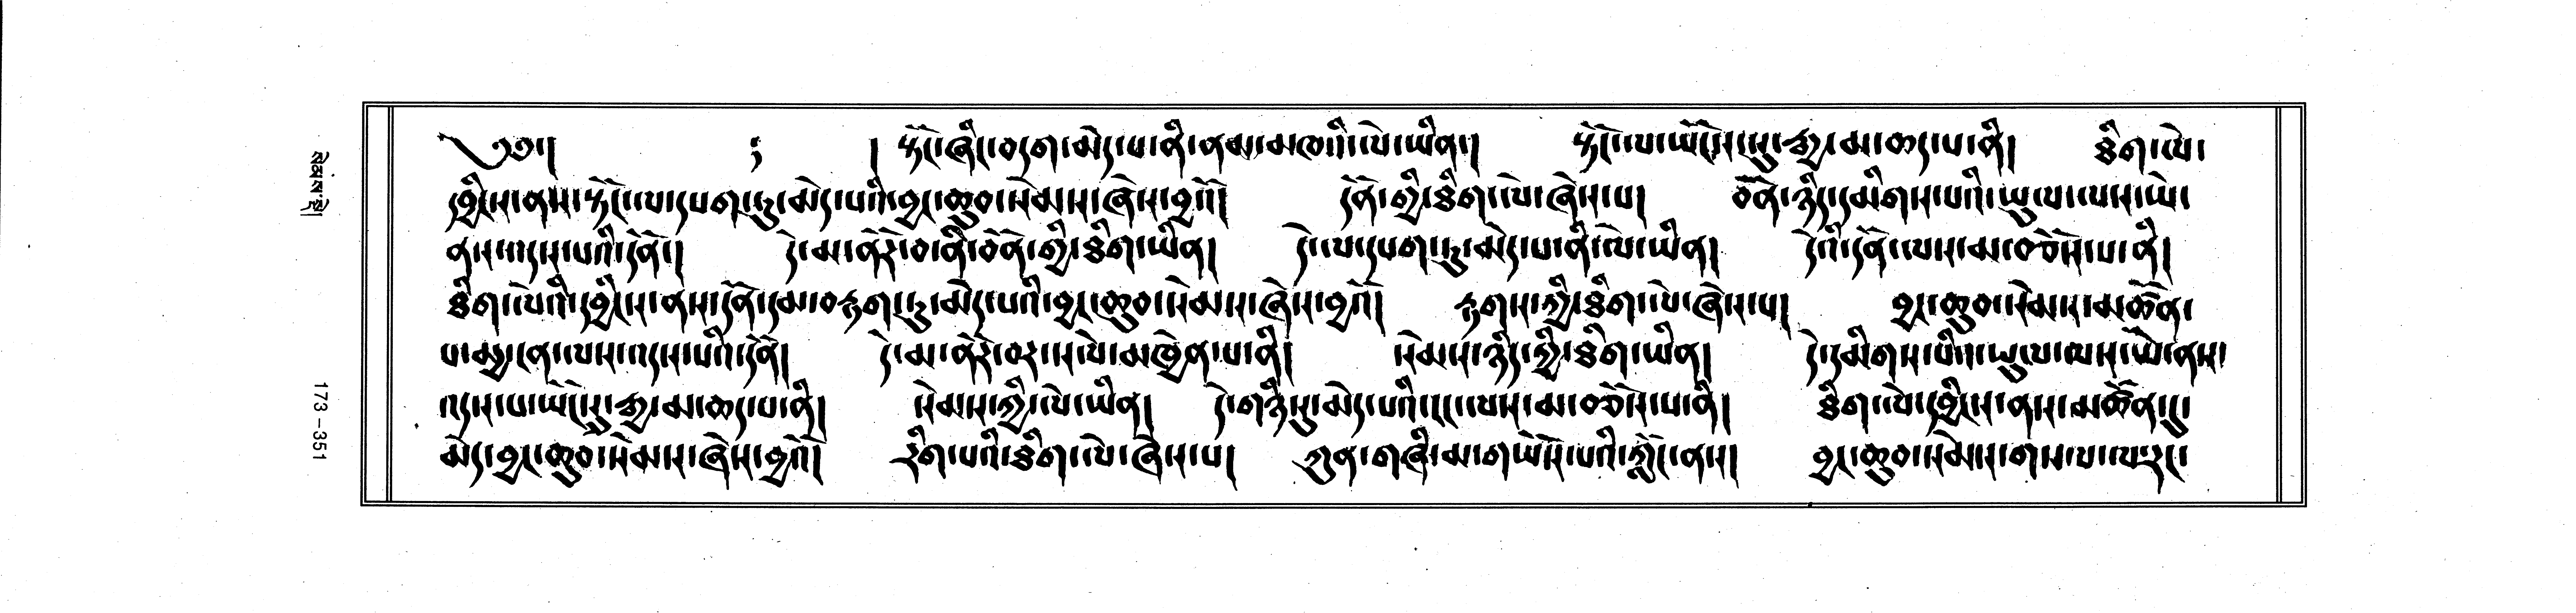སྟོང་ཞིང་བདག་མེད་པ་ནི་ནམ་མཁའི་ཐིག་ལེ་ཡིན། སྟོང་ལ་ཡོངས་སུ་རྒྱ་མ་ཆད་པ་ནི། ཐིག་ལེ་
དབྱིངས་ནས་སྟོང་ལ་དཔག་ཏུ་མེད་པའི་བྱང་ཆུབ་སེམས་ཞེས་བྱའོ། །དོན་གྱི་ཐིག་ལེ་ཞེས་པ། བོན་ཉིད་དམིགས་པའི་ཡུལ་ལས་ཡེ་
ནས་འདས་པའི་དོན། དེ་མ་ནོར་བ་ནི་བོན་གྱི་ཐིག་ཡིན། དེ་ལ་དཔག་ཏུ་མེད་པ་ནི་ལེ་ཡིན། དེའི་དོན་ལས་མ་བཅོས་པ་ནི། 
ཐིག་ལེའི་དབྱིངས་ནས་དོན་དམ་བརྟག་ཏུ་མེད་པའི་བྱང་ཆུབ་སེམས་ཞེས་བྱའོ། །རྟགས་ཀྱི་ཐིག་ལེ་ཞེས་པ། བྱང་ཆུབ་སེམས་མཚོན་
པ་མྱ་ངན་ལས་འདས་པའི་དོན། དེ་མ་ནོར་བར་སལེ་མཁྱེན་པ་ནི་སེམས་ཉིད་ཀྱི་ཐིག་ཡིན། དེ་དམིགས་པའི་ཡུལ་ལས་ཡེ་ནས་
འདས་པ་ཡོངས་སུ་རྒྱ་མ་ཆད་པ་ནི། སེམས་ཀྱི་ལེ་ཡིན། དེ་གཉིས་སུ་མེད་པའི་ངང་ལས་མ་བཅོས་པ་ནི། ཐིག་ལེ་དབྱིངས་ནས་མཚོན་དུ་
མེད་པའི་བྱང་ཆུབ་སེམས་ཞེས་བྱའོ། །རིག་པའི་ཐིག་ལེ་ཞེས་པ། ཀུན་གཞི་མ་གཡོས་པའི་ཀློང་ནས། བྱང་ཆུབ་སེམས་གསལ་ལ་རང་